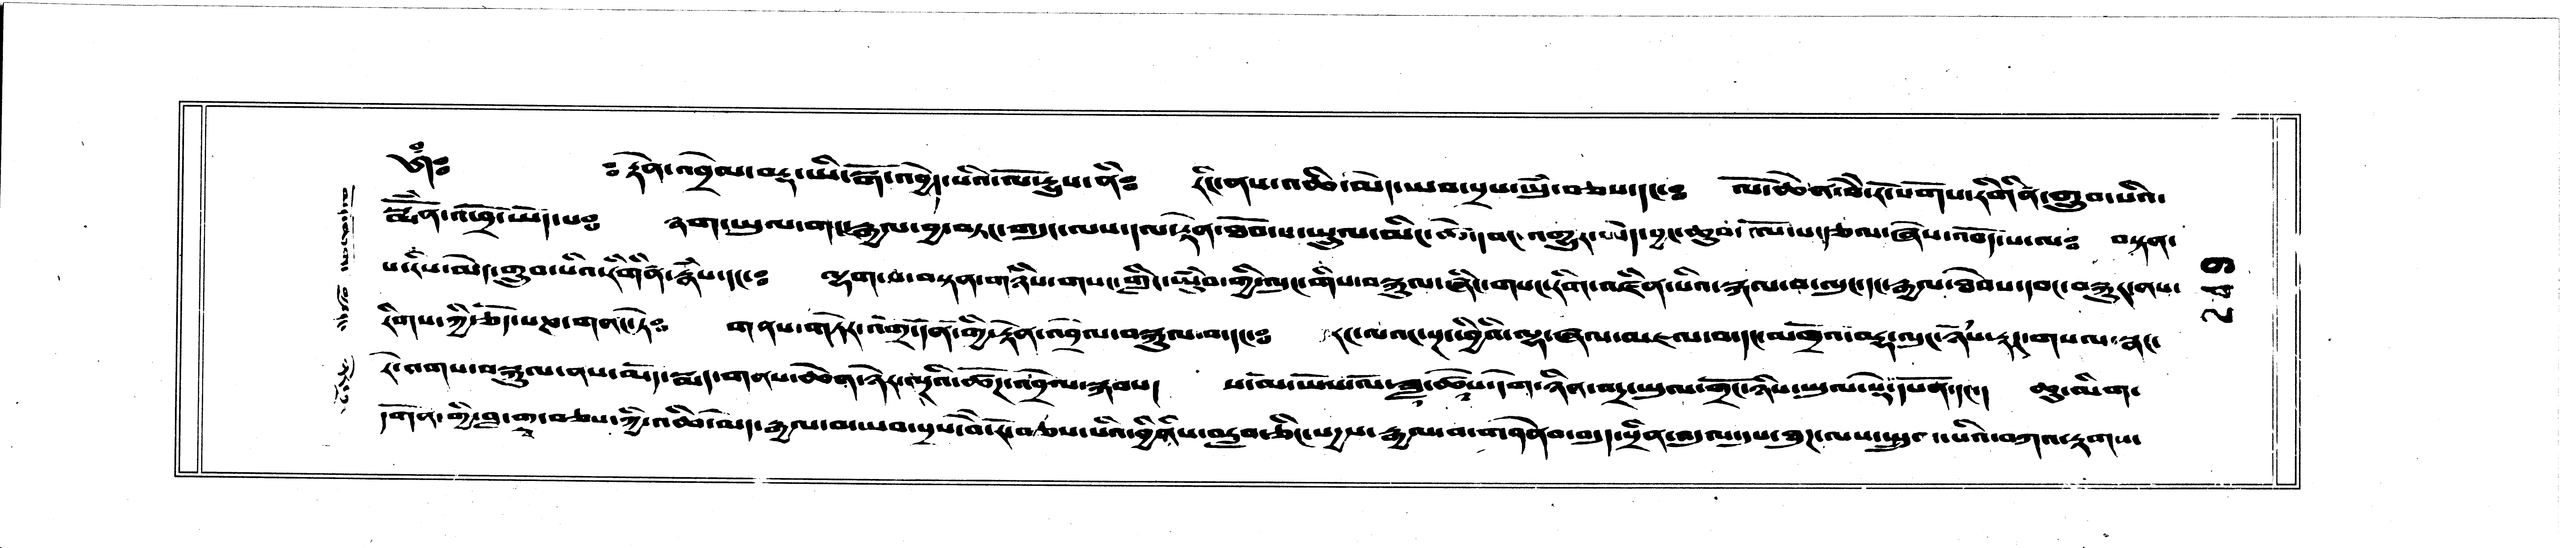རྟེན་འབྲེལ་བརྡ་ཡི་སྒོ་འབྱེད་པའི་ལོ་རྒྱུས་ནིཿ རིང་ནས་འཆི་མེད་ཡབ་སྲས་ཡུམ་བཅས་དངཿ ལོ་ཆེན་བཱཻ་རོ་སོགས་འཆི་མེད་རིག་འཛིན་གྲུབ་པའི་
སྨོན་ལམ་འཕྲོ་ཡོད་པཿ ཉག་ཡུལ་གང་རྒྱལ་བྱ་བཏང་གི་གདུང་ལས་དལ་རྟེན་ཐོབ་པ་སྤྲུལ་མིང་ཚེ་དབང་འགྱུར་མེད་བྱང་ཆུབ་རོལ་པ་རྩལ་ཞེས་འབོད་པ་ལཿ བསྟན་
པ་རིས་མེད་གྲུབ་པའི་རིག་འཛིན་རྣམས་དངཿ ལྷག་པར་བསྟན་གཉིས་གསང་གླིང་ཡབ་ཡུམ་གྱི་ལུང་གིས་བསྐུལ་ཞིང་གསང་རིག་འཛིན་པའི་སྐལ་པ་ལུང་དང་རྒྱལ་ཐེབས་དབང་བསྐུར་ནས་
རིགས་ཀྱི་ཅོད་པཎ་གནང་སྟེ་གནས་གཏེར་འགྲོ་དོན་གྱི་རྟེན་འབྲེལ་བསྐུལ་བ་དངཿ རང་ལའང་སྔ་ཕྱིའི་ལྷ་ཞལ་མཇལ་བ་དང་མཁའ་འགྲོའི་བརྡ་ལུང་ཉམས་རྟགས་གསལ་སྣང་
རེ་འགས་བསྐུལ་ནས་མདོ་སྨད་གནས་ཆེན་ཉེར་ལྔའི་ཚོགས་འབྲེལ་སྐབསཿ ས་མོ་ཡོས་ལོ་ཟླ་ཚེས་དགེ་ཉིན་འདྲ་ཡུལ་གྲོང་ཉིན་ཡུལ་སྡེ་དཔོན་དངཿ ཆུ་མིག་
དགོན་གྱི་བླ་གྲྭ་བཅས་ཀྱི་འཆི་མེད་རྒྱལ་བ་ཡབ་སྲས་བཱཻ་རོ་བཅས་ཀྱིས་བྱིན་གྱིས་བརླབ་ཅིང་སངས་རྒྱས་རྒྱལ་བ་གཤེན་རབ་བདུད་སྲིན་འདུལ་དུས་ཐུགས་ལས་སྤྲུལ་པའི་བཀའ་རྟགས་